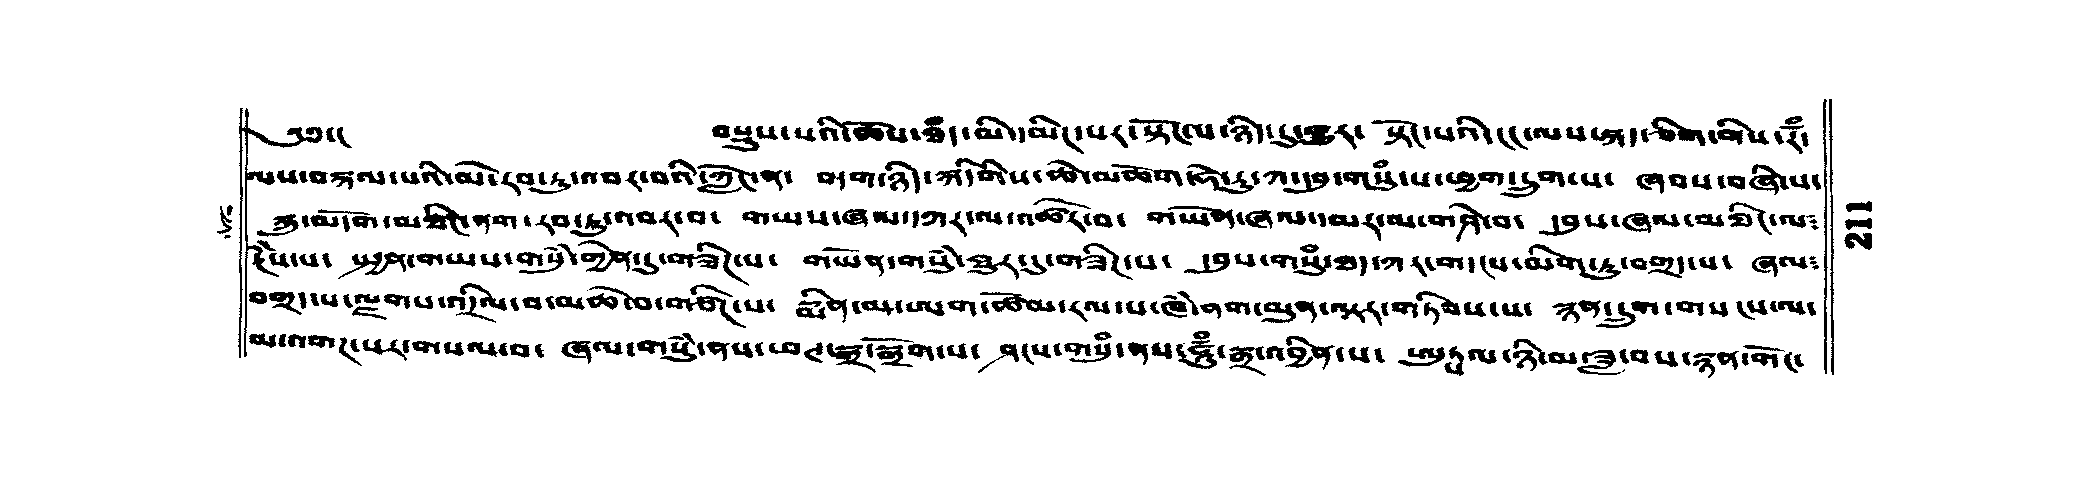བསྡུས་པའི་ཆོས་ཐམས་ཅད་མི་དམིགས་པར་སྟོང་པ་ཉིད་དུ་གྱུར། སྟོང་པའི་ངང་ལས་སྐད་ཅིག་གིས་རྃ་
ལས་བསྐལ་པའི་མེ་རབ་ཏུ་འབར་བའི་ཀློང་ན། བདག་ཉིད་སྐད་ཅིག་གིས་ཆེ་མཆོག་ཧེ་རུ་ཀ་དབུ་གསུམ་པ་ཕྱག་དྲུག་པ། ཞབས་བཞི་པ་
སྐུ་མདོག་མཐིང་ནག་རབ་ཏུ་འབར་བ། གཡས་ཞལ་དཀར་ལ་འཚེར་བ། གཡོན་ཞལ་དམར་ལ་གཤེ་བ། དབུས་ཞལ་མཐིང་ལ་
རྔམས་པ། སྤྱན་གཡས་གསུམ་གྱེན་དུ་གཟིགས་པ། གཡཽན་གསུམ་ཐུར་དུ་གཟིགས་པ། དབུས་གསུམ་ཐད་ཀར་གདངས་མིག་ཏུ་བགྲད་པ། ཞལ་
བགྲད་པ་ལྗགས་འདྲིལ་བ་མཆེ་བ་གཙིགས་པ། སྨིན་མ་ཨག་ཚོམ་རལ་པ་ཁཾ་ནག་མུན་ལྟར་གཏིབས་པ། སྙན་དྲུག་གསངས་ལ་
མ་འགགས་པར་གསལ་བ། ཞལ་གསུམ་ནས་ཕཊ་སྒྲ་སྒྲོག་པ། ཤངས་གསུམ་ནས་ཧཱུྃ་སྒྲ་འབྱིན་པ།ཨཏྤལ་ཉི་མ་ཟླ་བས་སྙན་གོང་